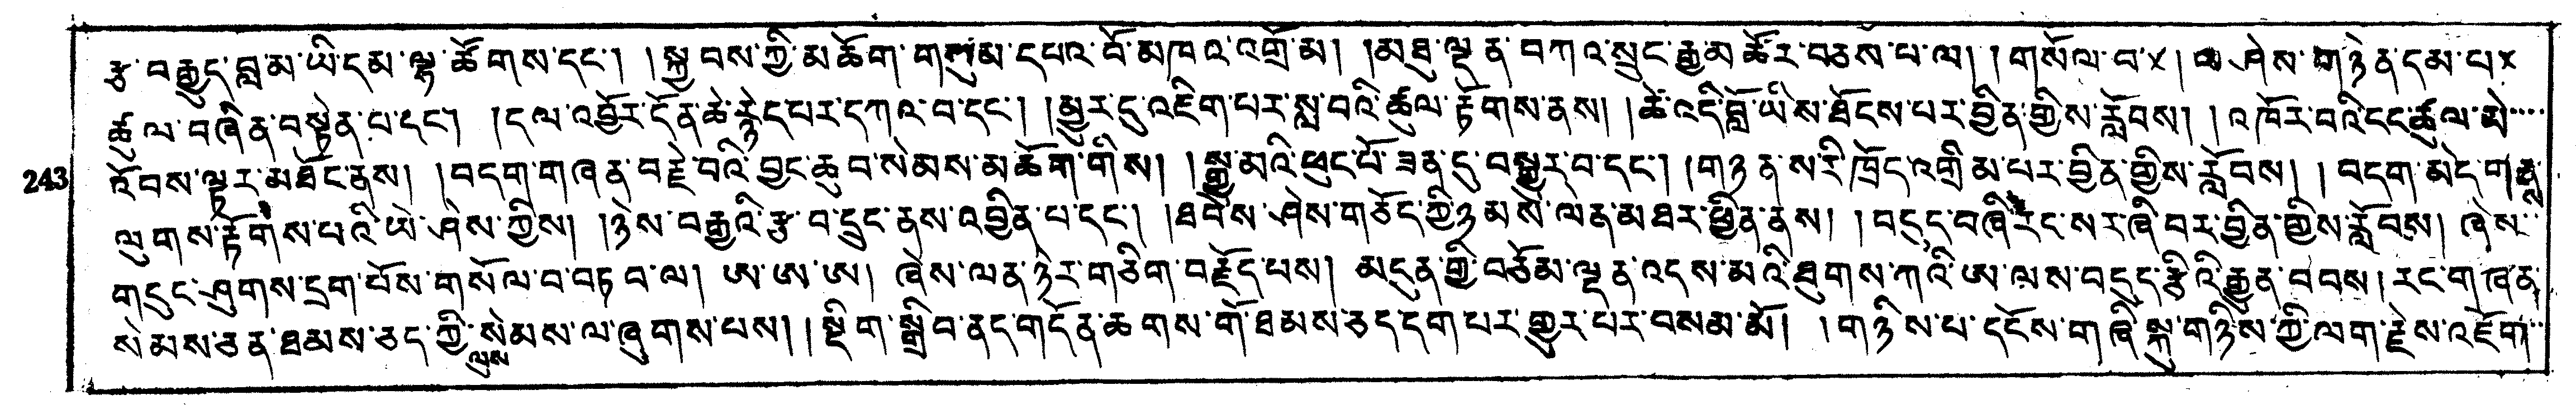རྩ་བརྒྱུད་བླ་མ་ཡི་དམ་ལྷ་ཚོགས་དང་། །སྐྱབས་ཀྱི་མཆོག་གསུམ་དཔའ་བོ་མཁའ་འགྲོ་མ། །མཐུ་ལྡན་བཀའ་སྲུང་རྒྱ་མཚོར་བཅས་པ་ལ། །གསོལ་བ་྾་།བཤེས་གཉེན་དམ་པ་
ཚུལ་བཞིན་བསྟེན་པ་དང་། །དལ་འབྱོར་དོན་ཆེ་རྙེད་པར་དཀའ་བ་དང་། །མྱུར་དུ་འཇིག་པར་སླ་བའི་ཚུལ་རྟོགས་ནས། །ཚེ་འདི་བློ་ཡིས་ཐོངས་པར་བྱིན་གྱིས་རློབས། །འཁོར་བའི་ངང་ཚུལ་མེ་
འོབས་ལྟར་མཐོང་ནས། །བདག་གཞན་བརྗེ་བའི་བྱང་ཆུབ་སེམས་མཆོག་གིས། །སྒྱུ་མའི་ཕུང་པོ་ཟན་དུ་བསྒྱུར་བ་དང་། །གཉན་ས་རི་ཁྲོད་འགྲིམ་པར་བྱིན་གྱིས་རློབས། །བདག་མེད་གནས་
ལུགས་རྟོགས་པའི་ཡེ་ཤེས་ཀྱིས། །ཉེས་བརྒྱའི་རྩ་བ་དྲུང་ནས་འབྱིན་པ་དང་། །ཐབས་ཤེས་གཅོད་ཀྱི་ཉམས་ལེན་མཐར་ཕྱིན་ནས། །བདུད་བཞི་རང་སར་ཞི་བར་བྱིན་གྱིས་རློབས། ཞེས་
གདུང་ཤུགས་དྲག་པོས་གསོལ་བ་བཏབ་ལ། ཨ་ཨ་ཨ། ཞེས་ལན་ཉེར་གཅིག་བརྗོད་པས། མདུན་གྱི་བཅོམ་ལྡན་འདས་མའི་ཐུགས་ཀའི་ཨ་ལས་བདུད་རྩིའི་རྒྱུན་བབས། རང་གཞན་
སེམས་ཅན་ཐམས་ཅད་ཀྱི་ལུས་སེམས་ལ་ཞུགས་པས། །སྡིག་སྒྲིབ་ནད་གདོན་ཆགས་གོ་ཐམས་ཅད་དག་པར་གྱུར་པར་བསམ་མོ། །གཉིས་པ་དངོས་གཞི་སྐུ་གཉིས་ཀྱི་ལག་རྗེས་འཇོག་